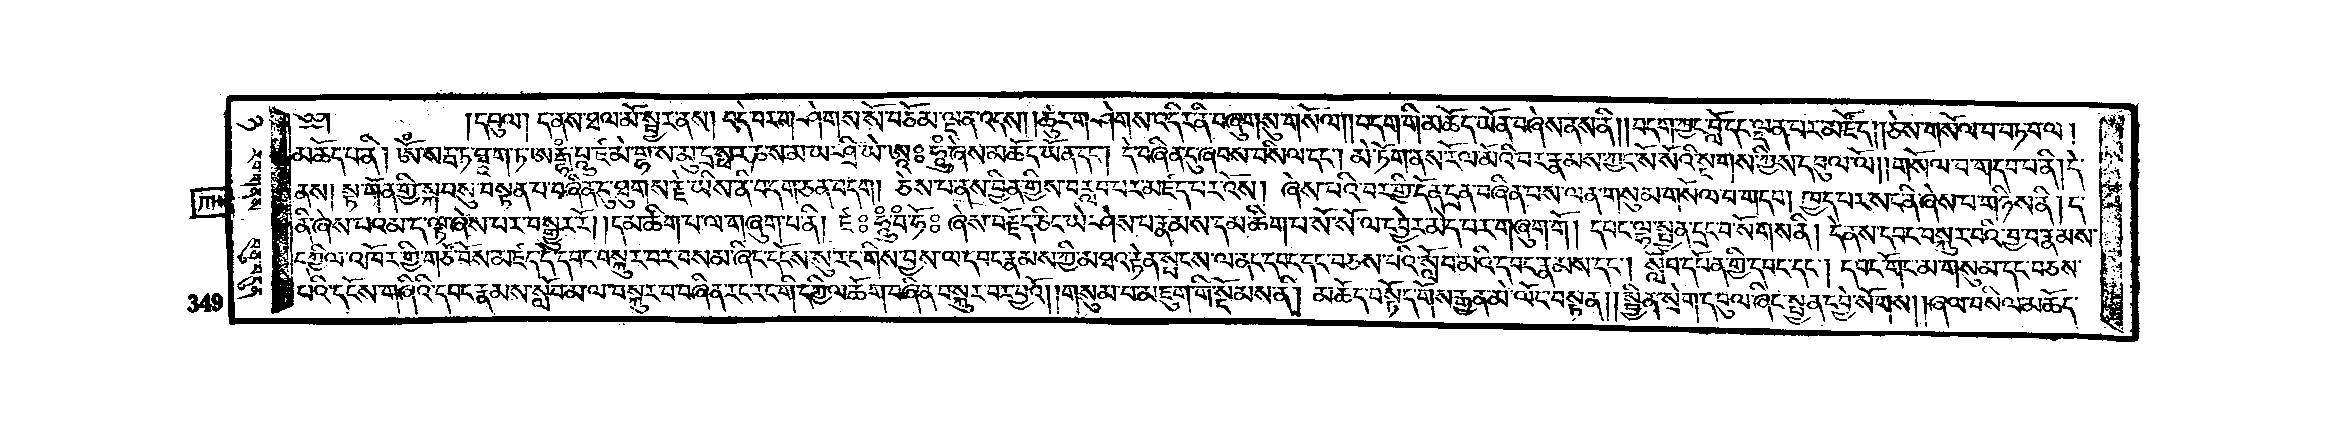༄༅། །དབུལ། དེ་ནས་ཐལ་མོ་སྦྱར་ནས། བདེ་བར་གཤེགས་སོ་བཅོམ་ལྡན་འདས། །ཚུར་གཤེགས་འདིར་ནི་བཞུགས་སུ་གསོལ། །བདག་གི་མཆོད་ཡོན་བཞེས་ནས་ནི། །བདག་ཀྱང་བློ་དང་ལྡན་པར་མཛོད། །ཅེས་གསོལ་བ་བཏབ་ལ།
མཆོད་པ་ནི། ཨོཾ་སརྦ་ཏ་ཐཱ་ག་ཏ་ཨརྒྷཾ་པཱུ་ཛ་མེ་གྷ་ས་མུ་དྲ་སྥ་ར་ཎ་ས་མ་ཡ་ཤྲི་ཡེ་ཨཱཿ ཧཱུཾ་ཞེས་མཆོད་ཡོན་དང་། དེ་བཞིན་དུ་ཞབས་བསིལ་དང་། མེ་ཏོག་ནས་རོལ་མོའི་བར་རྣམས་ཀྱང་སོ་སོའི་སྔགས་ཀྱིས་དབུལ་ལོ། །གསོལ་བ་གདབ་པ་ནི། དེ་
ནས། སྟ་གོན་གྱི་སྐབས་སུ་བསྟན་པ་བཞིན་དུ་ཐུགས་རྗེ་ཡིས་ནི་བདག་ཅན་བདག །ཅེས་པ་ནས་བྱིན་གྱིས་བརླབ་པར་མཛད་པར་འོས། ཞེས་པའི་བར་གྱི་དོན་དྲན་བཞིན་པས་ལན་གསུམ་གསོལ་བ་གདབ། ཁྱད་པར་སང་ནི་ཞེས་པ་གཉིས་ནི། ད་
ནི་ཞེས་པའམ་ད་ལྟ་ཞེས་པར་བསྒྱུར་རོ། །དམ་ཚིག་པ་ལ་གཞུག་པ་ནི། ཛཿ ཧཱུཾ་བཾ་ཧོཿ ཞེས་བརྗོད་ཅིང་ཡེ་ཤེས་པ་རྣམས་དམ་ཚིག་པ་སོ་སོ་ལ་དབྱེར་མེད་པར་གཞུག་གོ །དབང་ལྷ་སྤྱན་དྲང་བ་སོགས་ནི། དེ་ནས་དབང་བསྐུར་བའི་བྱ་བ་རྣམས་
དཀྱིལ་འཁོར་གྱི་གཙོ་བོས་མཛད་དེ་དབང་བསྐུར་བར་བསམ་ཞིང་དངོས་སུ་རང་གིས་བྱས་ལ་དབང་རྣམས་ཀྱི་མཐའ་རྟེན་སྤངས་ལ་ནང་དབང་དང་བཅས་པའི་སློབ་མའི་དབང་རྣམས་དང་། སློབ་དཔོན་གྱི་དབང་དང་། དབང་གོང་མ་གསུམ་དང་བཅས་
པའི་དངོས་གཞིའི་དབང་རྣམས་སློབ་མ་ལ་བསྐུར་བ་བཞིན་རང་རང་གི་དཀྱིལ་ཆོག་བཞིན་བསྐུར་བར་བྱའོ། །གསུམ་པ་མཇུག་གི་སྡོམས་ནི། མཆོད་བསྟོད་གོས་རྒྱན་མེ་ལོང་བསྟན། །སྦྱིན་སྲེག་དབུལ་ཞིང་སྤྱན་དབྱེ་སོགས། །ཞལ་བསིལ་མཆོད་